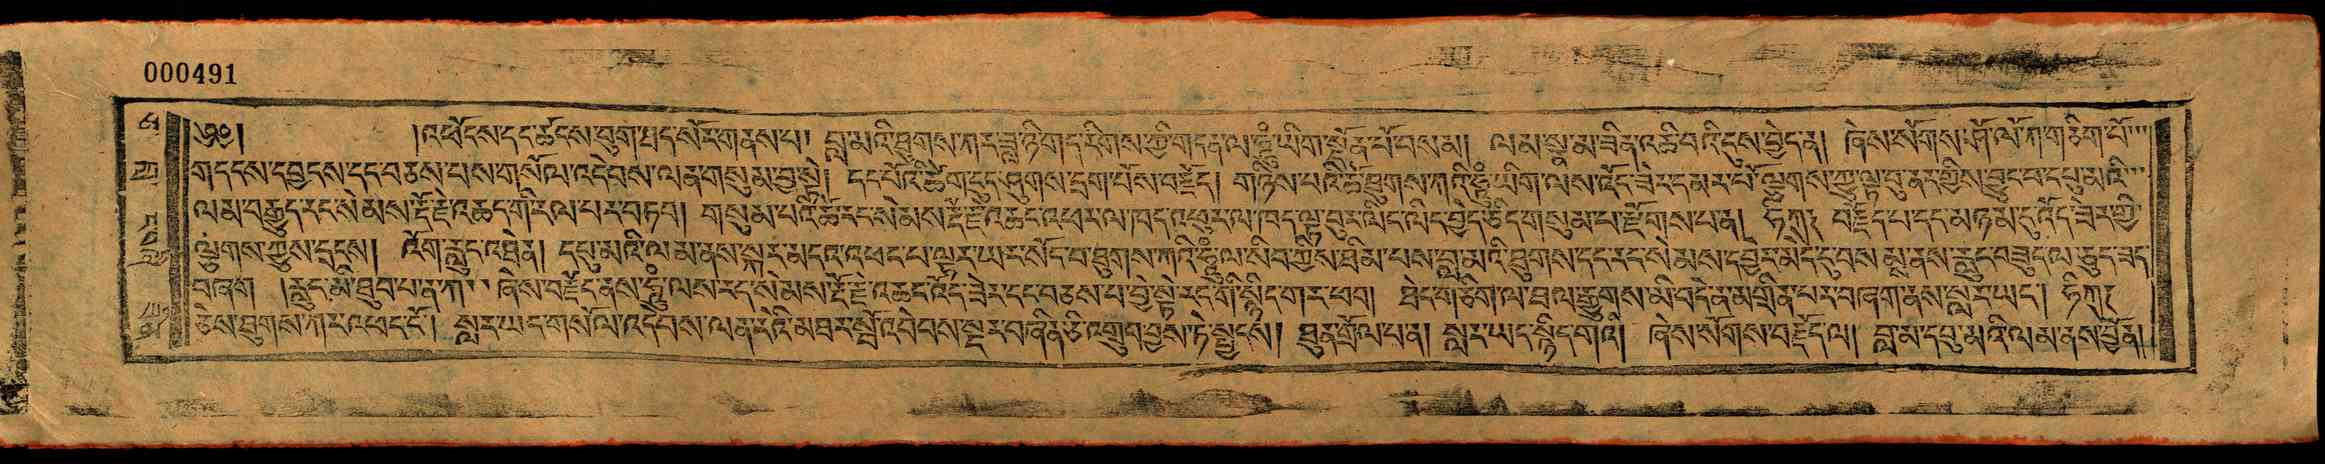༄༅། །འཕོངས་དང་ཚངས་བུག་ཐད་སོང་གནས་པ་བླ་མའི་ཐུགས་ཀར་ཟླ་ཉི་གང་རིགས་ཀྱི་གདན་ལ་ཧཱུཾ་ཡིག་སྔོན་པོ་བསམ། ལམ་སྣ་མ་ཟིན་འཆི་བའི་དུས་བྱེད་ན། ཞེས་སོགས་ཤོ་ལོ་ཀ་གཅིག་པ་
གདངས་དབྱངས་དང་བཅས་པས་གསོལ་འདེབས་ལན་གསུམ་བྱ་སྟེ། དང་པོའི་ཚེ་གདུང་ཤུགས་དྲག་པོས་བརྗོད། གཉིས་པའི་ཚེ་ཐུགས་ཀའི་ཧཱུཾ་ཡིག་ལས་འོད་ཟེར་དམར་པོ་ལྕགས་ཀྱུ་ལྟ་བུ་ནར་གྱིས་བྱུང་བ་དབུ་མའི་
ལམ་བརྒྱུད་རང་སེམས་རྡོ་རྗེ་འཆང་གི་རལ་པར་བཏབ། གསུམ་པའི་ཚེ་རང་སེམས་རྡོ་རྗེ་འཆང་འཕར་ལ་ཁད་འཕུར་ལ་ཁད་ལྟ་བུར་ལིང་ལིང་བྱེད་ཅིང་གསུམ་པ་རྫོགས་པ་ན། ཧིཀ༑ བརྗོད་པ་དང་མཉམ་དུ་འོད་ཟེར་གྱི་
ལྕགས་ཀྱུས་དྲངས། འོག་རླུང་འཐེན། དབུ་མའི་ལམ་ནས་སྐར་མདའ་འཕང་པ་ལྟར་ཡར་སོང་བ་ཐུགས་ཀའི་ཧཱུཾ་ལ་སིབ་ཀྱིས་ཐིམ་པས་བླ་མའི་ཐུགས་དང་རང་སེམས་དབྱེར་མེད་དུ་བསམས་ནས་རླུང་བཟུང་ལ་ཅུང་ཟད་
བཞག །རླུང་མི་ཐུབ་པ་ན་ཀ་ཞེས་བརྗོད་ནས་ཧཱུཾ་ལས་རང་སེམས་རྡོ་རྗེ་འཆང་འོད་ཟེར་དང་བཅས་པ་བྱེ་སྟེ་རང་གི་སྙིང་གར་ཕབ། ཐེང་གཅིག་ལ་ཐལ་རྒྱུགས་མི་བདེ་ན་མགྲིན་པར་བཞག་ནས་སླར་ཡང་། ཧིཀུ༑
ཅེས་ཐུགས་ཀར་འཕང་ངོ། སླར་ཡང་གསོལ་འདེབས་ལན་རེའི་མཐར་སྤོ་འབེབས་སྔར་བཞིན་ཅི་འགྲུབ་བྱས་ཏེ་སྦྱངས། ཐུན་གྲོལ་བ་ན། སླར་ཡང་སྙིང་གའི། ཞེས་སོགས་བརྗོད་ལ། བླ་མ་དབུ་མའི་ལམ་ནས་བྱོན་